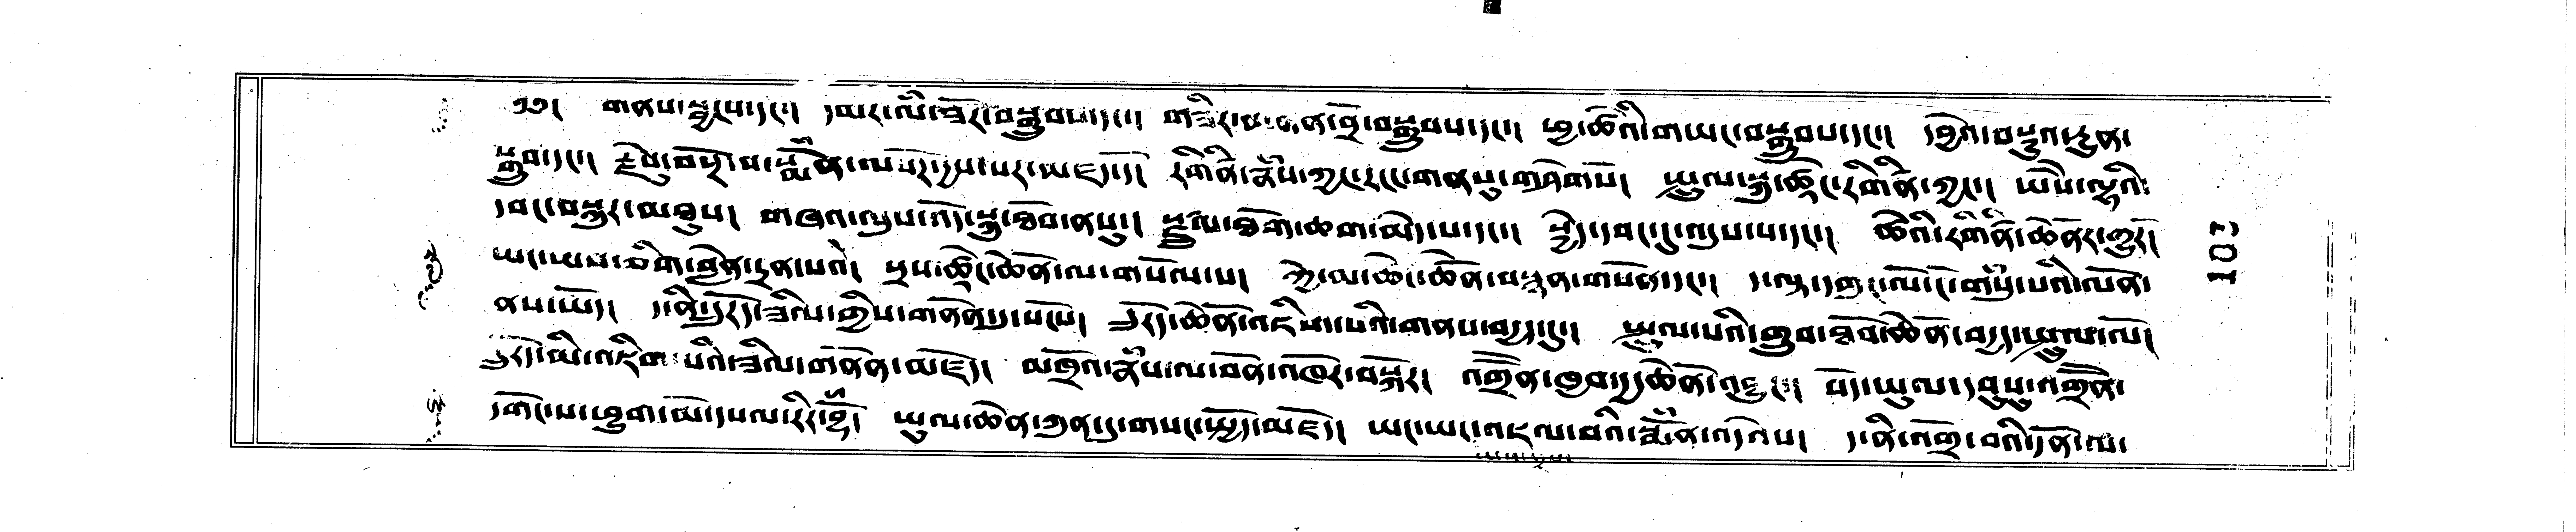གནས་སྦྱང་དང་། དམར་ལམ་ཟོར་སྒྲུབ་དང་། གཟིར་མནན་བྲོ་བསྒྲུབ་དང་། ཕྱྭ་ཚེའི་གཡང་སྒྲུབ་དང་། དབྱེ་བསྡུ་རྒྱུན་
སྒྲུབ་དང་། རྗེས་སུ་བསྔོ་བ་སྨོན་ལམ་ལ་སོགས་རྒྱས་པར་མཛད་དོ། རིག་འཛིན་རྣམས་ཀྱང་རང་རང་གནས་སུ་གཤེགས་སོ། སྤྲུལ་སྐུ་ཚེ་དབང་རིག་འཛིན་ཀྱང་། ཡེ་ཤེས་ལྷའི་
དབང་བསྐུར་མཐུས། གཞའ་ལུས་འོད་སྐུ་ཐོབ་ནས་སུ། རྫུ་འཕྲུལ་ཐོགས་ཆགས་མེད་པ་དང་། སྡེ་བརྒྱད་དབང་དུ་འདུས་པ་དང་། ཚེའི་རིག་འཛིན་ཆེན་པོར་གྱུར། 
ཡང་ཡབ་ཅིག་བླ་ཆེན་དྲན་པ་ཡིས། སྲས་ཚེ་དབང་ཆེན་པོ་ལ་གསོལ་པ། ཀྱེ་མ་ཚེ་དབང་ཆེན་པོ་སྙན་གསོན་དང་། ད་ལྟ་དགུང་ལོ་ངོ་གསུམ་པའི་ལོན་
ནས་ཡོད། ད་ནི་དུར་ཁྲོད་ཟིལ་གྱིས་གནོན་དུ་སོང་། དུར་ཁྲོད་ཆེན་པོ་འཇིགས་པའི་གནས་བརྒྱད་དུ། སྤྲུལ་པའི་གྲུབ་ཐོབ་ཆེན་པོ་བརྒྱད་སྤྲུལ་ལོ། 
དུར་ཁྲོད་མི་འཇིགས་པའི་ཟིལ་གནོན་མཛོད། མཁའ་འགྲོ་རྣམས་ལ་བོན་འཁོར་བསྐོར། འགྲོ་དོན་ཁྱབ་རྒྱ་ཆེན་པོ་འབྱུང་། བོད་ཡུལ་དབུས་སུ་འགྲོ་དོན་༼༽། 
དགོངས་ས་ཕྱུག་མོ་དཔལ་རིར་བསྒོམ། ཡུལ་ཆེན་ཀུན་ཏུ་གསང་སྤྱོད་མཛོད། ཡང་ཡང་ཡབ་སྲས་མཇལ་བའི་སྨོན་ལམ་འདེབས། ད་ནི་འགྲོ་བའི་དོན་ལ་